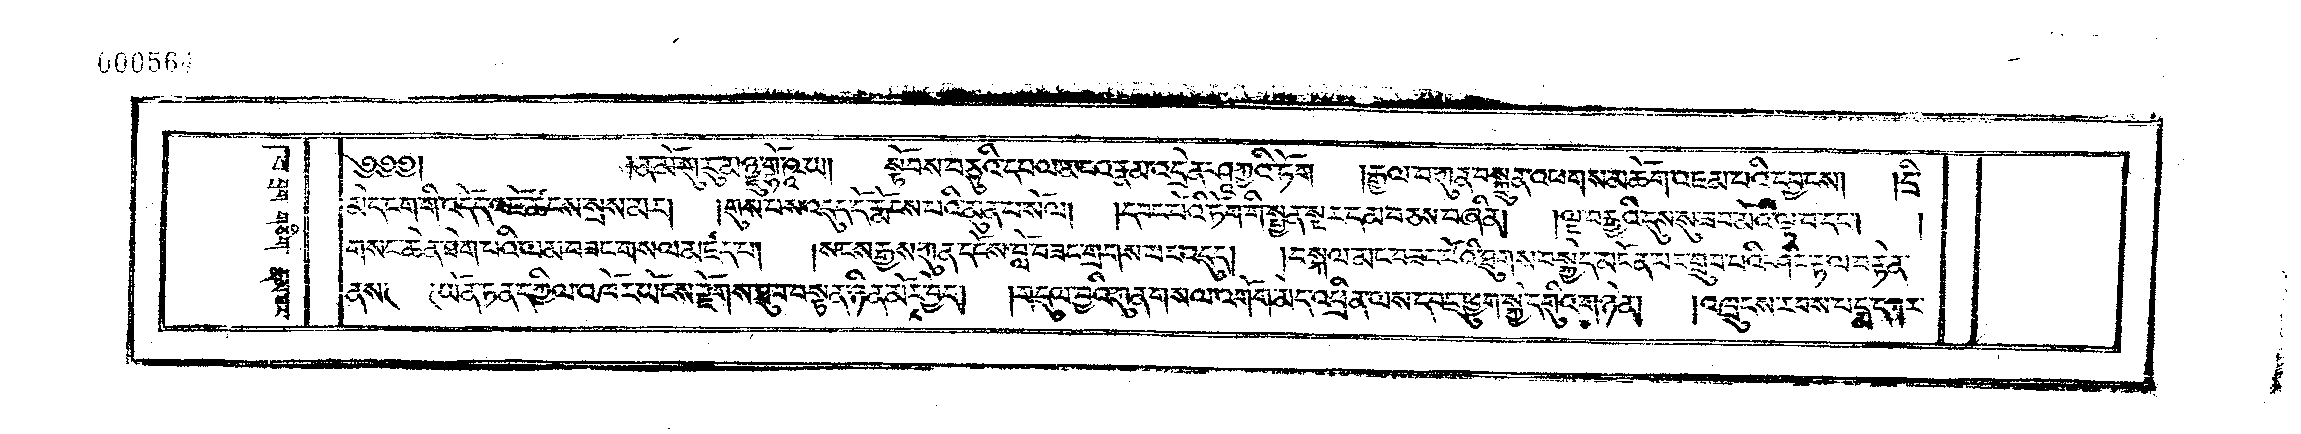༄༅༅། །ན་མོ་གུ་རུ་མཉྫུ་གྷོ་ཥཱ་ཡ། སྟོབས་བཅུའི་དཔལ་མངའ་རྣམ་འདྲེན་ཤཱཀྱའི་ཏོག །རྒྱལ་བ་ཀུན་བསྐྲུན་འཕགས་མཆོག་འཇམ་པའི་དབྱངས། །དྲི་
མེད་ངག་གི་འདོད་འཇོ་ཚངས་སྲས་མར། །གུས་པས་འདུད་དོ་རྨོངས་པའི་མུན་པ་སོལ། །དབང་པོའི་ཏོག་གི་སྤྱན་སྔར་དམ་བཅས་བཞིན། །ལྔ་བརྒྱའི་དུས་སུ་ཟབ་མོའི་ལྟ་བ་དང་། །
གསང་ཆེན་ཐེག་པའི་ལམ་བཟང་གསལ་མཛད་པ། །སངས་རྒྱས་ཀུན་དངོས་བློ་བཟང་གྲགས་པར་འདུད། །བསྐལ་མང་བཟང་པོའི་ཐུགས་བསྐྱེད་མངོན་པར་གྲུབ་པའི་ཤིང་རྟ་ལ་བརྟེན་
ནས༑ ༑ཡོན་ཏན་དཀྱིལ་འཁོར་ཡོངས་རྫོགས་ཐུབ་བསྟན་ཉིན་མོར་བྱེད། །གདུལ་བྱའི་ཀུན་གསལ་འགོག་མེད་འཕྲིན་ལས་དབང་ཕྱུག་སྐྱེ་དགུའི་གཉེན། །འཁྲུངས་རབས་པདམ་དཀར་